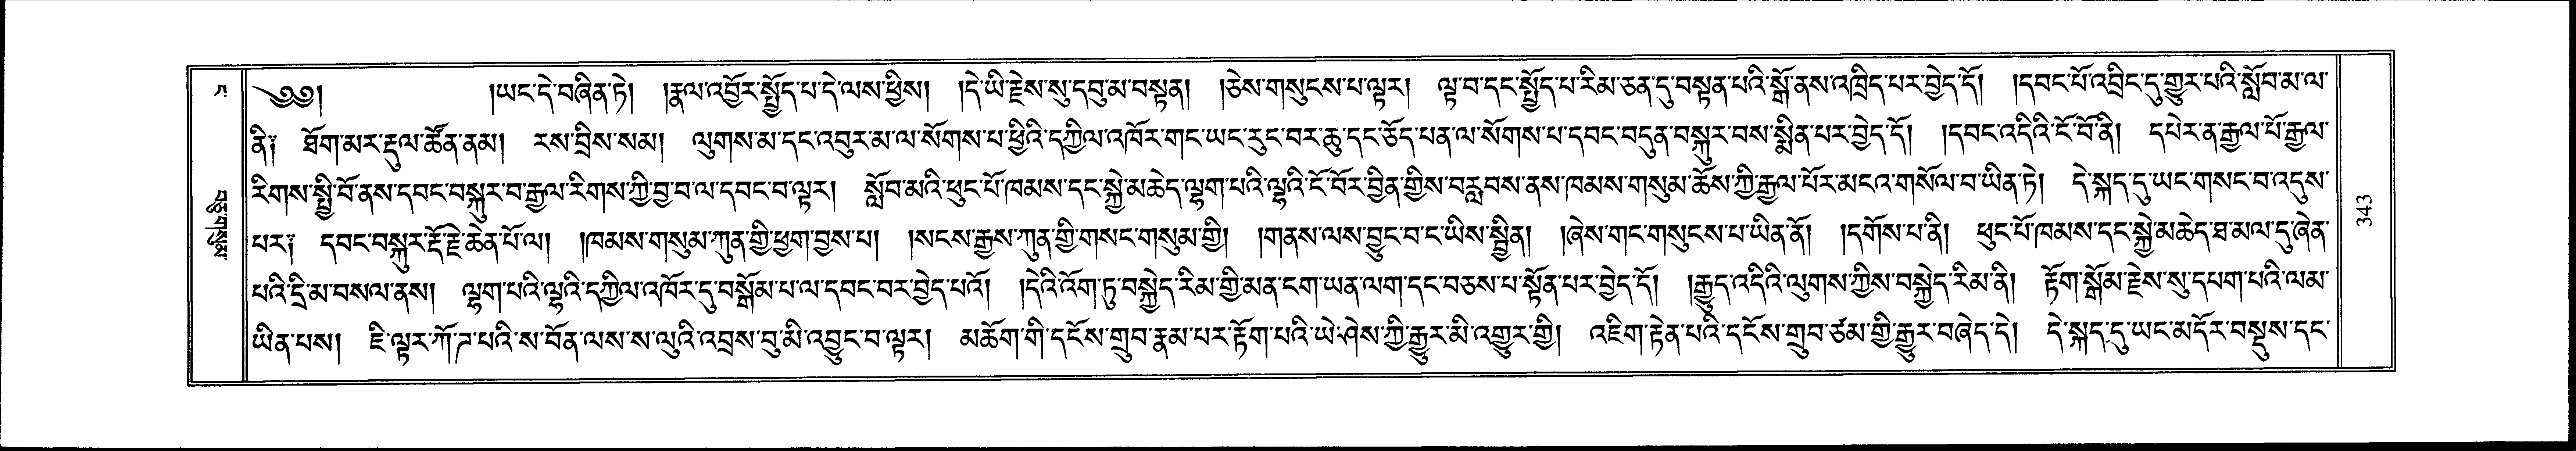༄༅། །ཡང་དེ་བཞིན་ཏེ། །རྣལ་འབྱོར་སྤྱོད་པ་དེ་ལས་ཕྱིས། །དེ་ཡི་རྗེས་སུ་དབུ་མ་བསྟན། །ཅེས་གསུངས་པ་ལྟར། ལྟ་བ་དང་སྤྱོད་པ་རིམ་ཅན་དུ་བསྟན་པའི་སྒོ་ནས་འཁྲིད་པར་བྱེད་དོ། །དབང་པོ་འབྲིང་དུ་གྱུར་པའི་སློབ་མ་ལ་
ནི། ཐོག་མར་རྡུལ་ཚོན་ནམ། རས་བྲིས་སམ། ལུགས་མ་དང་འབུར་མ་ལ་སོགས་པ་ཕྱིའི་དཀྱིལ་འཁོར་གང་ཡང་རུང་བར་ཆུ་དང་ཅོད་པན་ལ་སོགས་པ་དབང་བདུན་བསྐུར་བས་སྨིན་པར་བྱེད་དོ། །དབང་འདིའི་ངོ་བོ་ནི། དཔེར་ན་རྒྱལ་པོ་རྒྱལ་
རིགས་སྤྱི་བོ་ནས་དབང་བསྐུར་བ་རྒྱལ་རིགས་ཀྱི་བྱ་བ་ལ་དབང་བ་ལྟར། སློབ་མའི་ཕུང་པོ་ཁམས་དང་སྐྱེ་མཆེད་ལྷག་པའི་ལྷའི་ངོ་བོར་བྱིན་གྱིས་བརླབས་ནས་ཁམས་གསུམ་ཆོས་ཀྱི་རྒྱལ་པོར་མངའ་གསོལ་བ་ཡིན་ཏེ། དེ་སྐད་དུ་ཡང་གསང་བ་འདུས་
པར། དབང་བསྐུར་རྡོ་རྗེ་ཆེན་པོ་ལ། །ཁམས་གསུམ་ཀུན་གྱི་ཕྱག་བྱས་པ། །སངས་རྒྱས་ཀུན་གྱི་གསང་གསུམ་གྱི། །གནས་ལས་བྱུང་བ་ང་ཡིས་སྦྱིན། །ཞེས་གང་གསུངས་པ་ཡིན་ནོ། །དགོས་པ་ནི། ཕུང་པོ་ཁམས་དང་སྐྱེ་མཆེད་ཐ་མལ་དུ་ཞེན་
པའི་དྲི་མ་བསལ་ནས། ལྷག་པའི་ལྷའི་དཀྱིལ་འཁོར་དུ་བསྒོམ་པ་ལ་དབང་བར་བྱེད་པའོ། །དེའི་འོག་ཏུ་བསྐྱེད་རིམ་གྱི་མན་ངག་ཡན་ལག་དང་བཅས་པ་སྟོན་པར་བྱེད་དོ། །རྒྱུད་འདིའི་ལུགས་ཀྱིས་བསྐྱེད་རིམ་ནི། རྟོག་སྒོམ་རྗེས་སུ་དཔག་པའི་ལམ་
ཡིན་པས། ཇི་ལྟར་ཀོ་ཌ་པའི་ས་བོན་ལས་ས་ལུའི་འབྲས་བུ་མི་འབྱུང་བ་ལྟར། མཆོག་གི་དངོས་གྲུབ་རྣམ་པར་རྟོག་པའི་ཡེ་ཤེས་ཀྱི་རྒྱུར་མི་འགྱུར་གྱི། འཇིག་རྟེན་པའི་དངོས་གྲུབ་ཙམ་གྱི་རྒྱུར་བཞེད་དེ། དེ་སྐད་དུ་ཡང་མདོར་བསྡུས་དང་